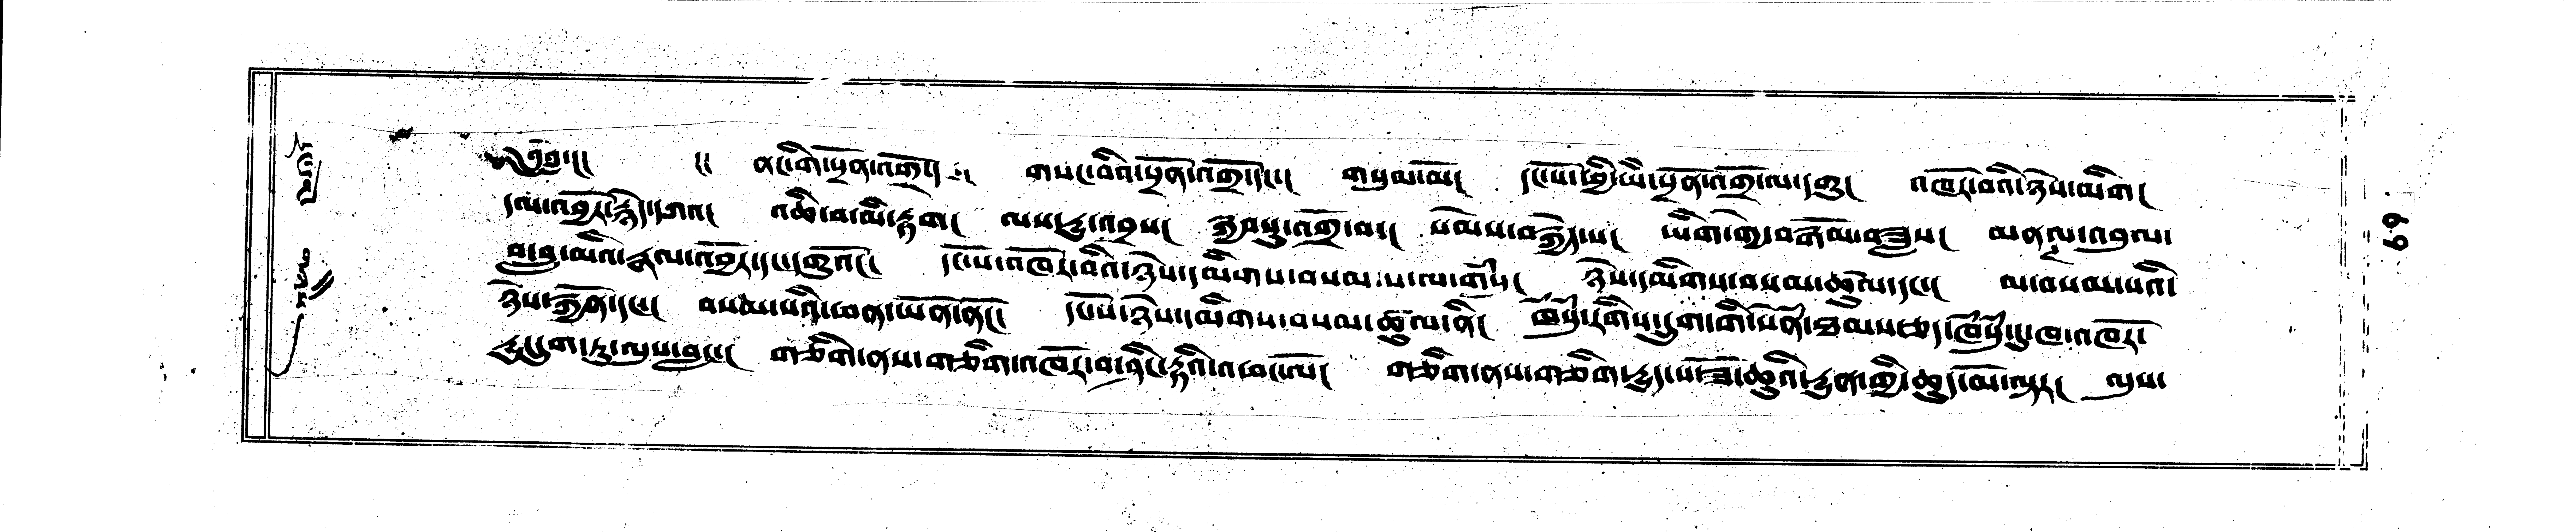ནང་གི་སྔོན་འགྲོ། །གསང་བའི་སྔོན་འགྲོ་དང་གསུམ་མོ། །དང་པོ་ཕྱི་ཡི་སྔོན་འགྲོ་ལ་དགུ། འཁོར་བའི་ཉེས་དམིགས།
 དལ་འབྱོར་རྙེད་དཀའ། འཆི་བ་མི་རྟག་པ། ལས་རྒྱུ་འབྲས། སྐྱབས་སུ་འགྲོ་བ། སེམས་བསྐྱེད་པ། ཡིག་བརྒྱ་སྒོམ་བཟླས། མཎྜལ་འབུལ་
བ། བླ་མའི་རྣལ་འབྱོར་དང་དགུའོ། །དང་པོ་འཁོར་བའི་ཉེས་དམིགས་བསམ་པ་ལ་གསུམ། ཉེས་དམིགས་བསམ་ཚུལ་དང་། མ་བསམ་པའི་
ཉེས་སྐྱོན་དང་། བསམ་པའི་ཕན་ཡོན་ནོ། །དང་པོ་ཉེས་དམིགས་བསམ་ཚུལ་ནི། ཁམས་གསུམ་རིགས་དྲུག་གི་སེམས་ཅན་ཐམས་ཅད་ཁམས་གསུམ་དུ་ཁ་འཁོར་
རྒྱུ་དྲུག་ཏུ་ལུས་བླངས། གཅིག་ནས་གཅིག་འཁོར་བ་ཤིང་རྟའི་འཕང་ལོ། གཅིག་ནས་གཅིག་བརྒྱུད་པ་ཟོ་ཆུའི་ཁྱུད་མོ་ལྟར། ལུས་